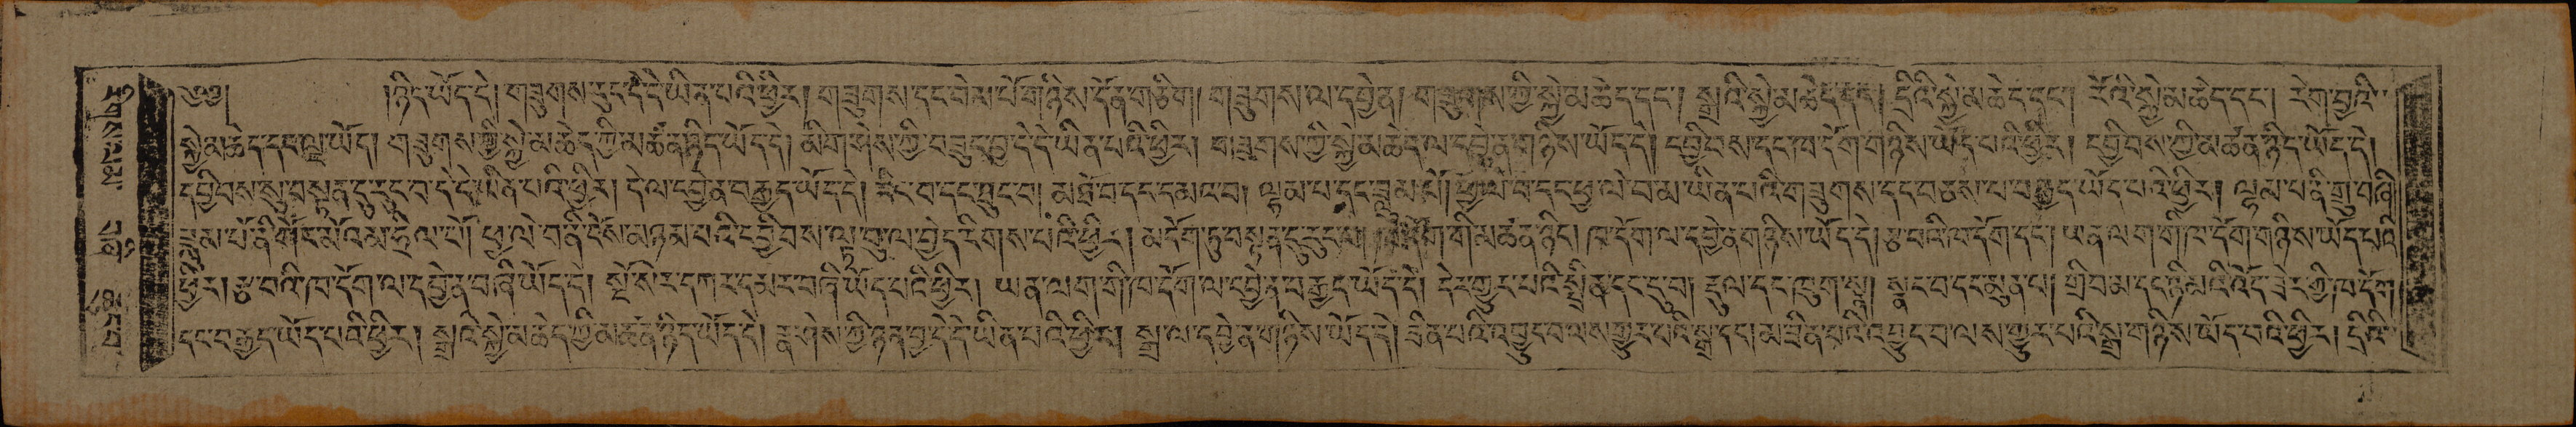༄༅། །ཉིད་ཡོད་དེ། གཟུགས་རུང་དེ་དེ་ཡིན་པའི་ཕྱིར། གཟུགས་དང་བེམ་པོ་གཉིས་དོན་གཅིག །གཟུགས་ལ་དབྱེ་ན། གཟུགས་ཀྱི་སྐྱེ་མཆེད་དང་། སྒྲའི་སྐྱེ་མཆེད་དང་། དྲིའི་སྐྱེ་མཆེད་དང་། རོའི་སྐྱེ་མཆེད་དང་། རེག་བྱའི་
སྐྱེ་མཆེད་དང་ལྔ་ཡོད། གཟུགས་ཀྱི་སྐྱེ་མཆེད་ཀྱི་མཚན་ཉིད་ཡོད་དེ། མིག་ཤེས་ཀྱི་བཟུང་བྱ་དེ་དེ་ཡིན་པའི་ཕྱིར། གཟུགས་ཀྱི་སྐྱེ་མཆེད་ལ་དབྱེ་ན་གཉིས་ཡོད་དེ། དབྱིབས་དང་ཁ་དོག་གཉིས་ཡོད་པའི་ཕྱིར། དབྱིབས་ཀྱི་མཚན་ཉིད་ཡོད་དེ།
དབྱིབས་སུ་བསྟན་དུ་རུང་བ་དེ་དེ་ཡིན་པའི་ཕྱིར། དེ་ལ་དབྱེ་ན་བརྒྱད་ཡོད་དེ། རིང་བ་དང་ཐུང་བ། མཐོ་བ་དང་དམའ་བ། ལྷམ་པ་དང་ཟླུམ་པོ། ཕྱ་ལེ་བ་དང་ཕྱ་ལེ་བ་མ་ཡིན་པའི་གཟུགས་དན་བཅས་པ་བརྒྱད་ཡོད་པའི་ཕྱིར། ལྷན་པ་ནི་གྲུབ་བཞི།
ཟླུམ་པོ་ནི་གོར་མོའམ་ཧྲིལ་པོ། ཕྱ་ལེ་བ་ནི་ངོས་མཉམ་པའི་དབྱིབས་ལྟ་བུ་ལ་བྱེད་རིགས་པའི་ཕྱིར། མདོག་ཏུ་བསྟན་དུ་རུང་བ། ཁ་དོག་གི་མཚན་ཉིད། ཁ་དོག་ལ་དབྱེ་ན་གཉིས་ཡོད་དེ། རྩ་བའི་ཁ་དོག་དང་། ཡན་ལག་གི་ཁ་དོག་གཉིས་ཡོད་པའི་
ཕྱིར༑ རྩ་བའི་ཁ་དོག་ལ་དབྱེ་ན་བཞི་ཡོད་དེ། སྔོ་སེར་དཀར་དམར་བཞི་ཡོད་པའི་ཕྱིར། ཡན་ལག་གི་ཁ་དོག་ལ་དབྱེ་ན་བརྒྱད་ཡོད་དེ། དེར་གྱུར་པའི་སྤྲིན་དང་དུ་བ། རྡུལ་དང་ཁུག་སྣ། སྣང་བ་དང་མུན་པ། གྲིབ་མ་དང་ཉི་མའི་འོད་ཟེར་གྱི་ཁ་དོག་
དང་བརྒྱད་ཡོད་པའི་ཕྱིར། སྒྲའི་སྐྱེ་མཆེད་ཀྱི་མཚན་ཉིད་ཡོད་དེ། རྣ་ཤེས་ཀྱི་ཉན་བྱ་དེ་དེ་ཡིན་པའི་ཕྱིར། སྒྲ་ལ་དབྱེ་ན་གཉིས་ཡོད་དེ། ཟིན་པའི་འབྱུང་བ་ལས་གྱུར་པའི་སྒྲ་དང་། མ་ཟིན་པའི་འབྱུང་བ་ལས་གྱུར་པའི་སྒྲ་གཉིས་ཡོད་བའི་ཕྱིར། དྲིའི་